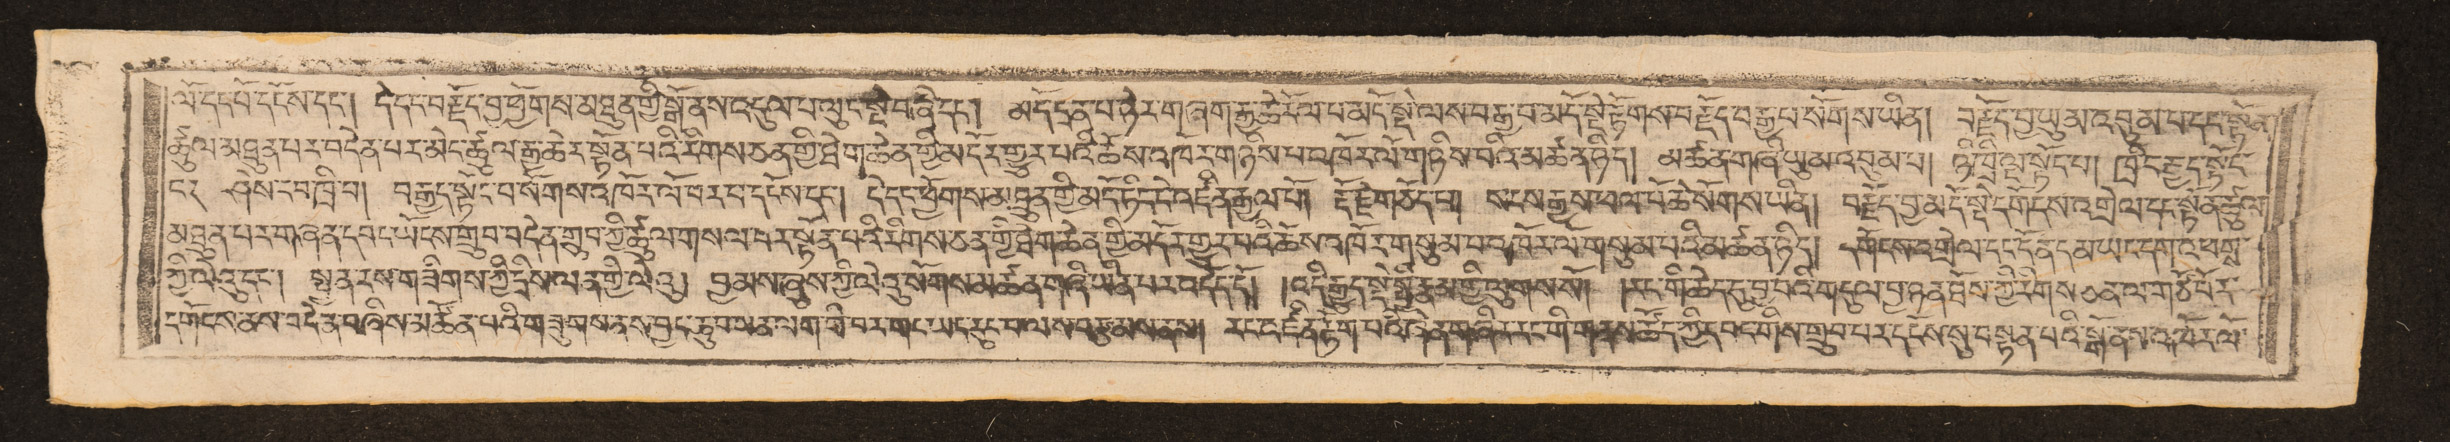ལོ་དང་པོ་དངོས་དང་། དེ་དང་བརྗོད་བྱ་ཕྱོགས་མཐུན་གྱི་སྒོ་ནས་འདུལ་བ་ལུང་སྡེ་བཞི་དང་། མདོ་དྲན་པ་ཉེར་གཞག་རྒྱ་ཆེ་རོལ་པ་མདོ་སྡེ་ལས་བརྒྱ་པ་མདོ་སྡེ་རྟོགས་བརྗོད་བརྒྱ་པ་སོགས་ཡིན། བརྗོད་བྱ་ཡུམ་འབུམ་པ་དར་སྟོན་
ཚུལ་མཐུན་པར་བདེན་པར་མེད་ཚུལ་རྒྱ་ཆེར་སྟོན་པའི་རིགས་ཅན་གྱི་ཐེག་ཆེན་གྱི་མདོར་གྱུར་པའི་ཆོས་འཁོར་གཉིས་པ་འཁོར་ལོ་གཉིས་པའི་མཚན་ཉིད། མཚན་གཞི་ཡུམ་འབུམ་པ། ཉི་ཁྲི་ལྔ་སྟོང་བ། ཁྲི་བརྒྱད་སྟོང་
པ༑ ཤེས་རབ་ཁྲི་བ། བརྒྱད་སྟོང་པ་སོགས་འཁོར་ལོ་བར་བ་དངོས་དང་། དེ་དང་ཕྱོགས་མཐུན་གྱི་མདོ་ཏིང་ངེ་འཛིན་རྒྱལ་པོ། རྡོ་རྗེ་གཅོད་པ། སངས་རྒྱས་ཕལ་བོ་ཆེ་སོགས་ཡིན། བརྗོད་བྱ་མདོ་སྡེ་དགོངས་འགྲེལ་དང་སྟོན་ཚུལ་
མཐུན་པར་གཞན་དབང་ཡོངས་གྲུབ་བདེན་གྲུབ་ཀྱི་ཚུལ་གསལ་པར་སྟོན་པའི་རིགས་ཅན་གྱི་ཐེག་ཆེན་གྱི་མདོར་གྱུར་པའི་ཆོས་འཁོར་གསུམ་པ་འཁོར་ལོ་གསུམ་པའི་མཚན་ཉིད། དགོངས་འགྲེལ་དང་དོན་དམ་ཡང་དག་འཕགས་
ཀྱི་ལེའུ་དང་། སྤྱན་རས་གཟིགས་ཀྱི་དྲིས་ལན་གྱི་ལེའུ། བྱམས་ཞུས་ཀྱི་ལེའུ་སོགས་མཚན་གཞི་ཡིན་པར་འདོད་དོ། །འདི་རྒྱུད་སྡེ་སྤྱི་རྣམ་གྱི་ལུགས་སོ། །རང་གི་ཆེད་དུ་བྱ་བའི་གདུལ་བྱ་ཉན་ཐོས་ཀྱི་རིགས་ཅན་ལ་གཙོ་བོར་
དགོངས་ནས་བདེན་བཞིས་མཚོན་པའི་གཟུགས་ནས་བྱང་ཆུབ་ཡན་ལག་གི་བར་གང་ཡང་རུང་བ་ལས་བརྩམས་ནས། རང་འཛིན་རྟོག་པའི་ཞེན་གཞིར་རང་གི་གནས་ཚོད་ཀྱི་དབང་གིས་གྲུབ་པར་དངོས་སུ་བསྟན་པའི་སྒོ་ནས་འཁོར་ལོ་